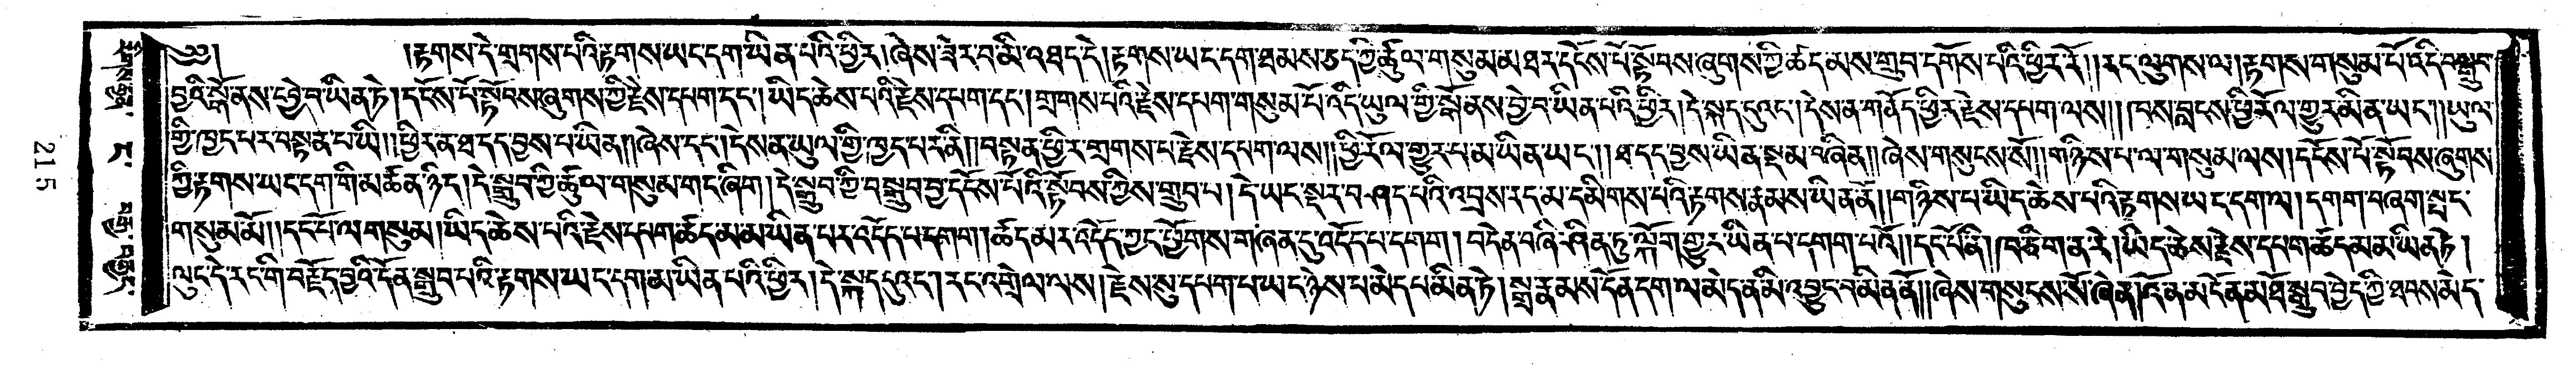༄༅། །རྟགས་དེ་གྲགས་པའི་རྟགས་ཡང་དག་ཡིན་པའི་ཕྱིར། ཞེས་ཟེར་བ་མི་འཐད་དེ། རྟགས་ཡང་དག་ཐམས་ཅད་ཀྱི་ཚུལ་གསུམ་མཐར་དངོས་པོ་སྟོབས་ཞུགས་ཀྱི་ཚད་མས་གྲུབ་དགོས་པའི་ཕྱིར་རོ། །རང་ལུགས་ལ། རྟགས་གསུམ་པོ་འདི་བསྒྲུབ་
བྱའི་སྒོ་ནས་དབྱེ་བ་ཡིན་ཏེ། དངོས་པོ་སྟོབས་ཞུགས་ཀྱི་རྗེས་དཔག་དང་། ཡིད་ཆེས་པའི་རྗེས་དཔག་དང་། གྲགས་པའི་རྗེས་དཔག་གསུམ་པོ་འདི་ཡུལ་གྱི་སྒོ་ནས་ཕྱེ་བ་ཡིན་པའི་ཕྱིར། དེ་སྐད་དུའང་། དེས་ན་གནོད་ཕྱིར་རྗེས་དཔག་ལས། །ཁས་བླངས་ཕྱི་རོལ་གྱུར་མིན་ཡང་། །ཡུལ་
གྱི་ཁྱད་པར་བསྟན་པ་ཡི། །ཕྱིར་ན་ཐ་དད་བྱས་པ་ཡིན། །ཞེས་དང་། དེས་ན་ཡུལ་གྱི་ཁྱད་པར་ནི། །བསྟན་ཕྱིར་གྲགས་པ་རྗེས་དཔག་ལས། །ཕྱི་རོལ་གྱུར་པ་མ་ཡིན་ཡང་། །ཐ་དད་བྱས་ཡིན་སྔ་མ་བཞིན། །ཞེས་གསུངས་སོ། །གཉིས་པ་ལ་གསུམ་ལས། དངོས་པོ་སྟོབས་ཞུགས་
ཀྱི་རྟགས་ཡང་དག་གི་མཚན་ཉིད། དེ་སྒྲུབ་ཀྱི་ཚུལ་གསུམ་གང་ཞིག །དེ་སྒྲུབ་ཀྱི་བསྒྲུབ་བྱ་དངོས་པོའི་སྟོབས་ཀྱིས་གྲུབ་པ། དེ་ཡང་སྔར་བཤད་པའི་འབྲས་རང་མ་དམིགས་པའི་རྟགས་རྣམས་ཡིན་ནོ། །གཉིས་པ་ཡིད་ཆེས་པའི་རྟགས་ཡང་དག་ལ། དགག་བཞག་སྤང་
གསུམ་མོ། །དང་པོ་ལ་གསུམ། ཡིད་ཆེས་པའི་རྗེས་དཔག་ཚད་མ་མ་ཡིན་པར་འདོད་པ་དགག །ཚད་མར་འདོད་ཀྱང་ཕྱོགས་གཞན་དུ་འདོད་པ་དགག །བདེན་བཞི་ཤིན་ཏུ་ལྐོག་གྱུར་ཡིན་པ་དགག་པའོ། །དང་པོ་ནི། ཁ་ཅིག་ན་རེ། ཡིད་ཆེས་རྗེས་དཔག་ཚད་མ་མ་ཡིན་ཏེ།
ལུང་དེ་རང་གི་བརྗོད་བྱའི་དོན་སྒྲུབ་པའི་རྟགས་ཡང་དག་མ་ཡིན་པའི་ཕྱིར། དེ་སྐད་དུའང་། རང་འགྲེལ་ལས། རྗེས་སུ་དཔག་པ་ཡང་ཉེས་པ་མེད་པ་མིན་ཏེ། སྒྲ་རྣམས་དོན་དག་ལ་མེད་ན་མི་འབྱུང་བ་མིན་ནོ། །ཞེས་གསུངས་སོ་ཞེ་ན། འོ་ན་མངོན་མཐོ་སྒྲུབ་བྱེད་ཀྱི་ཐབས་མེད་